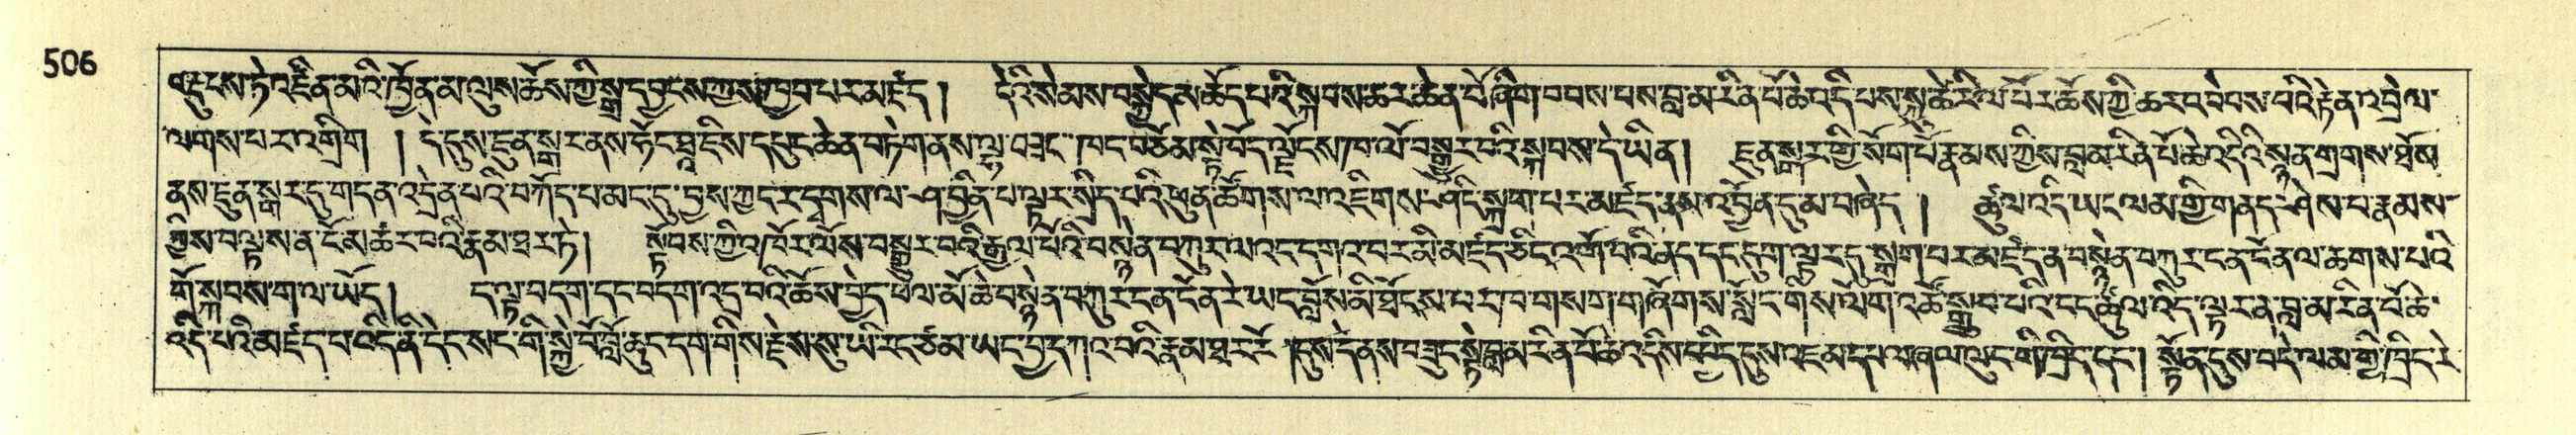བརྡུངས་ཏེ་འཛིན་མའི་ཁྱོན་མ་ལུས་ཆོས་ཀྱི་སྒྲ་དབྱངས་ཀྱས་ཁྱབ་པར་མཛད། དེའི་སེམས་བསྐྱེད་མཆོད་པའི་སྐབས་ཆར་ཆེན་བོ་ཞིག་བབས་པས་བླ་མ་རིན་པོ་ཆེ་འདི་པས་སྐུ་ཚེ་རི་ལ་པོར་ཆོས་ཀྱི་ཆར་འབེབས་པའི་རྟེན་འབྲེལ་
ལགས་པར་འགྲིག །དེ་དུས་ཇུན་སྒར་ནས་ཧོང་ཐའ་ཇིས་དཔུང་ཆེན་བཏེག་ནས་ལྷ་བཟང་ཁང་བཅོམ་སྟེ་བོད་ལྗོངས་ཁ་ལོ་བསྒྱུར་བའི་སྐབས་དེ་ཡིན། ཇུན་སྒར་གྱི་སོག་པོ་རྣམས་ཀྱིས་བླ་མ་རིན་པོ་ཆེ་འདིའི་སྙན་གྲགས་ཐོས་
ནས་ཇུན་སྒར་དུ་གདན་འདྲེན་པའི་བཀོད་པ་མང་དུ་བྱས་ཀྱང་ར་དྭགས་ལ་ཤ་བྱིན་པ་ལྟར་སྲིད་པའི་ཕུན་ཚོགས་ལ་འཇིགས་ཤིང་སྐྲག་པར་མཛད་ནས་འབྱོན་དུ་མ་བཞེད། ཚུལ་འདི་ཡང་ལམ་གྱི་གནད་ཤེས་པ་རྣམས་
ཀྱིས་བལྟས་ན་ངོ་མཚར་བའི་རྣམ་ཐར་ཏེ། སྟོབས་ཀྱི་འཁོར་ལོས་བསྒྱུར་བའི་རྒྱལ་པོའི་བསྙེན་བཀུར་ལའང་དགའ་བར་མི་མཛད་ཅིང་འགོ་བའི་ནད་དང་དུག་ལྟར་དུ་སྒྲེག་བར་མཛད་ན་བསྙེན་བཀུར་ངན་ངོན་ལ་ཆགས་པའི་
གོ་སྐབས་ག་ལ་ཡོད། ད་ལྟ་བདག་དང་བདག་འདྲ་བའི་ཆོས་བྱེད་ཕལ་མོ་ཆེ་བསྙེན་བཀུར་ངན་ངོན་རེ་ཡང་བློས་མི་ཐོངས་པར་ཁ་གསག་གཞོགས་སློང་གིས་ལོག་འཚོ་སྒྲུབ་པའི་ངང་ཚུལ་འདི་ལྟར་ན་བླ་མ་རིན་པོ་ཆེ་
འདི་པའི་མཛད་པ་འདི་ནི་དེང་སང་གི་སྐྱེ་བོ་བློ་ཆུང་དག་གིས་རྗེས་སུ་ཡི་རང་ཙམ་ཡང་བྱ་དཀའ་བའི་རྣམ་ཐར་རོ་།དུས་དེ་ནས་བཟུང་སྟེ་བླ་མ་རིན་པོ་ཆེ་འདིས་དཔྱིད་དུས་འཇམ་དཔལ་ཞལ་ལུང་གི་ཁྲིད་དང་། སྟོན་དུས་བདེ་ལམ་གྱི་ཁྲིད་རེ་